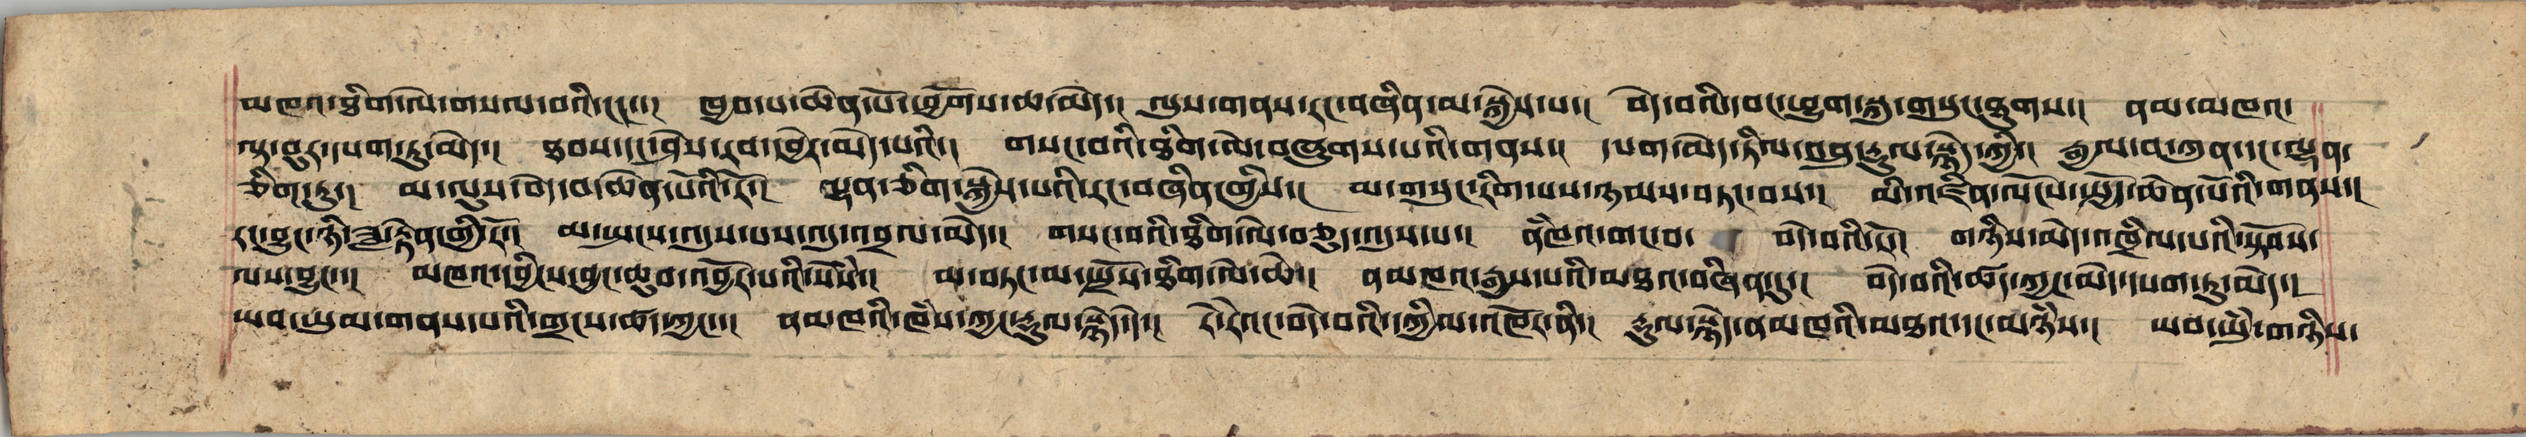མཁའ་ཐིག་ལེ་གསལ་བའི་ངང་་། ཁྱབ་པ་ཆེན་པོ་ཕྱོགས་ཆ་མེད་། ལུས་གནས་རང་བཞིན་མ་སྐྱེས་པ་། བདེ་བའི་དབང་ཕྱུག་སྐུ་གསུང་ཐུགས་། ནམ་མཁའ་
ལྟ་བུར་དཔག་ཏུ་མེད་། ཐབས་དང་ཤེས་རབ་དབྱེར་མེད་པའི་། གསང་བའི་ཐིག་ལེ་བཞུགས་པའི་གནས་། དཔག་མེད་ཏིལ་འབྲུ་རྡུལ་སྙེད་ཀྱི་། རྒྱལ་བ་ཀུན་དང་ལྷན་
ཅིག་ཏུ་། མ་ལུས་བདེ་བ་ཆེན་པོའི་རོ་། ལྷན་ཅིག་སྐྱེས་པའི་རང་བཞིན་གྱིས་། མ་གསུང་རིག་པས་ཉམས་བཏང་བས་། མི་འཛིན་ལོངས་སྤྱོད་ཆེན་པོའི་གནས་།
རང་བྱུང་ཉི་ཟླ་རྟེན་གྱི་རོ་། མ་སྤངས་འདུས་པས་འདུ་འབྲལ་མེད་། གསང་བའི་ཐིག་ལེ་བཅུད་འདུས་པ་། ནཾཁའ་གང་བ་ བདེ་བའི་རོ་། གཉིས་མེད་འཁྲིལ་པའི་སྟོབས་
ལས་བྱུང་་། མཁའ་དབྱིངས་བྱང་ཆུབ་འབྱོར་པའི་སེཾས་། མ་བཏང་མ་སྤྲོས་ཐིག་ལེ་ཆེ་། ནམཁའ་རྒྱས་པའི་མཐའ་བཞིན་དུ་། བདེ་བའི་ཚད་ཀྱང་མེད་དཔག་ཏུ་མེད་།
ཡབ་ཡུམ་གནས་པའི་གྲངས་ཚད་ཀྱང་་། ནམཁའི་ཁཾས་ཀྱང་རྡུལ་སྙེད་དེ་། རེ་རེའང་བདེ་བའི་དཀྱིལ་འཁོར་ནི་། རྡུལ་སྙེད་ནམཁའི་མཐའ་དང་མཉཾས་། ཡབ་ཡུཾ་གཉིས་